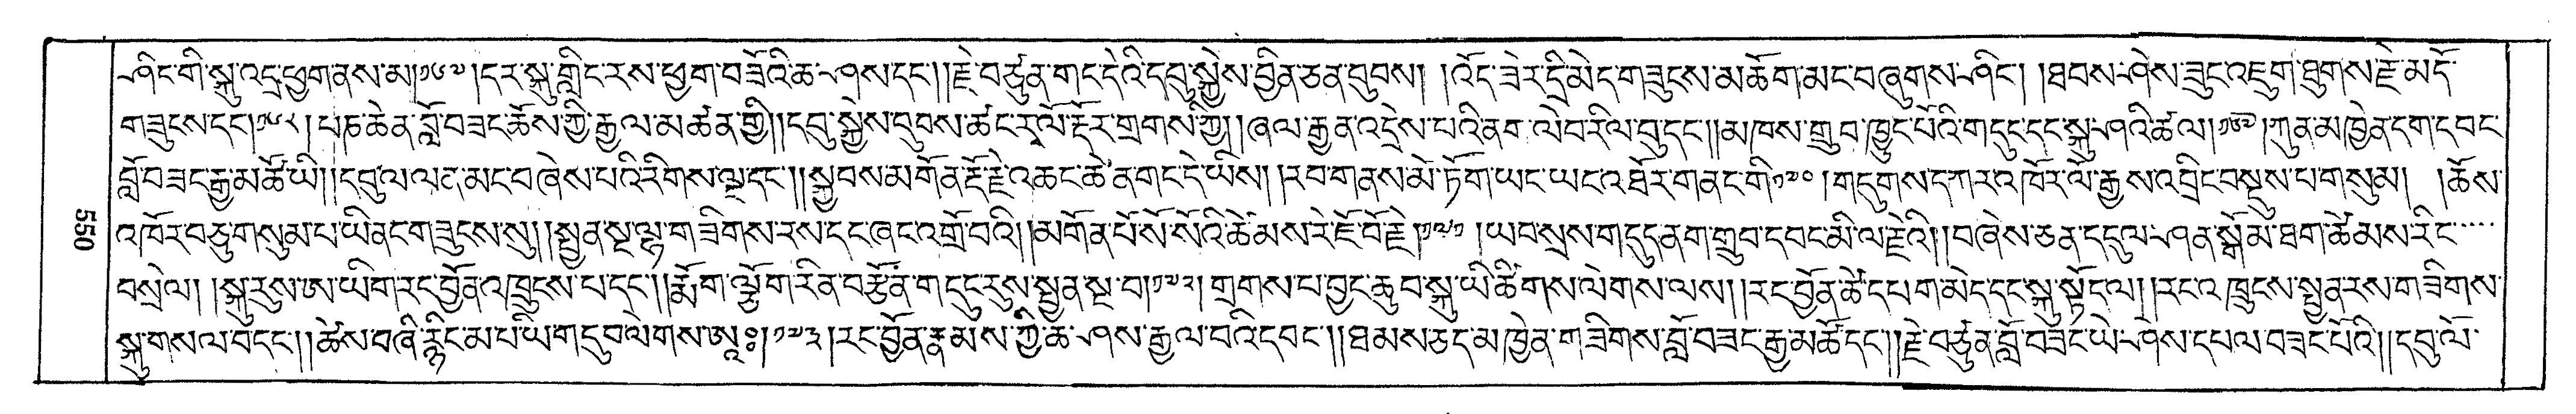ཤིང་གི་སྐུ་འདྲ་ཕྱག་ནས་མ། ༡༦༧་།དར་སྐུ་གླིང་རས་ཕྱག་བཟོའི་ཆ་ཤས་དང་། །རྗེ་བཙུན་གང་དེའི་དབུ་སྐྱེས་བྱིན་ཅན་བུབས། །འོད་ཟེར་དྲི་མེད་གཟུངས་མཆོག་མང་བཞུགས་ཤིང་། །ཐབས་ཤེས་ཟུང་འཇུག་ཐུགས་རྗེ་མདོ་
གཟུངས་དང་། ༡༦༨་།པཎ་ཆེན་བློ་བཟང་ཆོས་ཀྱི་རྒྱལ་མཚན་གྱི། །དབུ་སྐྱེས་བུབས་ཚད་རྭ་ལོ་རྡོར་གྲགས་ཀྱི། །ཞལ་རྒྱན་འདྲེས་པའི་ནག་ལེབ་རིལ་བུ་དང་། །མཁས་གྲུབ་ཁྱུང་པོའི་གདུང་དང་སྐུ་ཤའི་ཚལ། ༡༦༧་།ཀུན་མཁྱེན་ངག་དབང་
བློ་བཟང་རྒྱ་མཚོ་ཡི། །དབུ་ལ་ལན་མང་བཞེས་པའི་རིགས་ལྔ་དང་། །སྐྱབས་མགོན་རྡོ་རྗེ་འཆང་ཆེན་གང་དེ་ཡིས། །རབ་གནས་མེ་ཏོག་ཡང་ཡང་འཐོར་གནང་གི ༡༧༠་།གདུགས་དཀར་འཁོར་ལོ་རྒྱས་འབྲིང་བསྡུས་པ་གསུམ། །ཆོས།
འཁོར་བཅུ་གསུམ་པ་ཡི་ནང་གཟུངས་སུ། །སྤྱན་སྔ་ལྷ་གཟིགས་རས་དང་ཞང་འགྲོ་བའི། མགོན་པོ་སོ་སོའི་ཚེམས་རེ་ཇོ་བོ་རྗེ། ༡༧༧་།ཡབ་སྲས་གདུང་ནག་གྲུབ་དབང་མི་ལ་རྗེའི། །བཞེས་ཅན་དངུལ་ཤན་སྒོམ་ཐག་ཚེམས་རིང་
བསྲེལ། །སྐུ་རུས་ཨ་ཡིག་རང་བྱོན་འཁྲུངས་པ་དང་། །རྨོག་ལྕོག་རིན་བརྩོན་གདུང་རུས་སྤྱན་སྔ་བ། ༡༧༢་།གྲགས་པ་བྱང་ཆུབ་སྐུ་ཡི་ཚིགས་ལོགས་ལས། །རང་བྱོན་ཚེ་དཔག་མེད་དང་སྐུ་སྟོད་ལ། །རང་འཁྲུངས་སྤྱན་རས་གཟིགས་
སྐུ་གསལ་བ་དང་། །ཚེས་བཞི་རྙིང་མ་བ་ཡི་གདུང་ལེགས་ཨཱཿ། ༡༧༣་།རང་བྱོན་རྣམས་ཀྱི་ཆ་ཤས་རྒྱལ་བའི་དབང་། །ཐམས་ཅད་མཁྱེན་གཟིགས་བློ་བཟང་རྒྱ་མཚོ་དང་། །རྗེ་བཙུན་བློ་བཟང་ཡེ་ཤེས་དཔལ་བཟང་པོའི། །དབུ་ལོ་